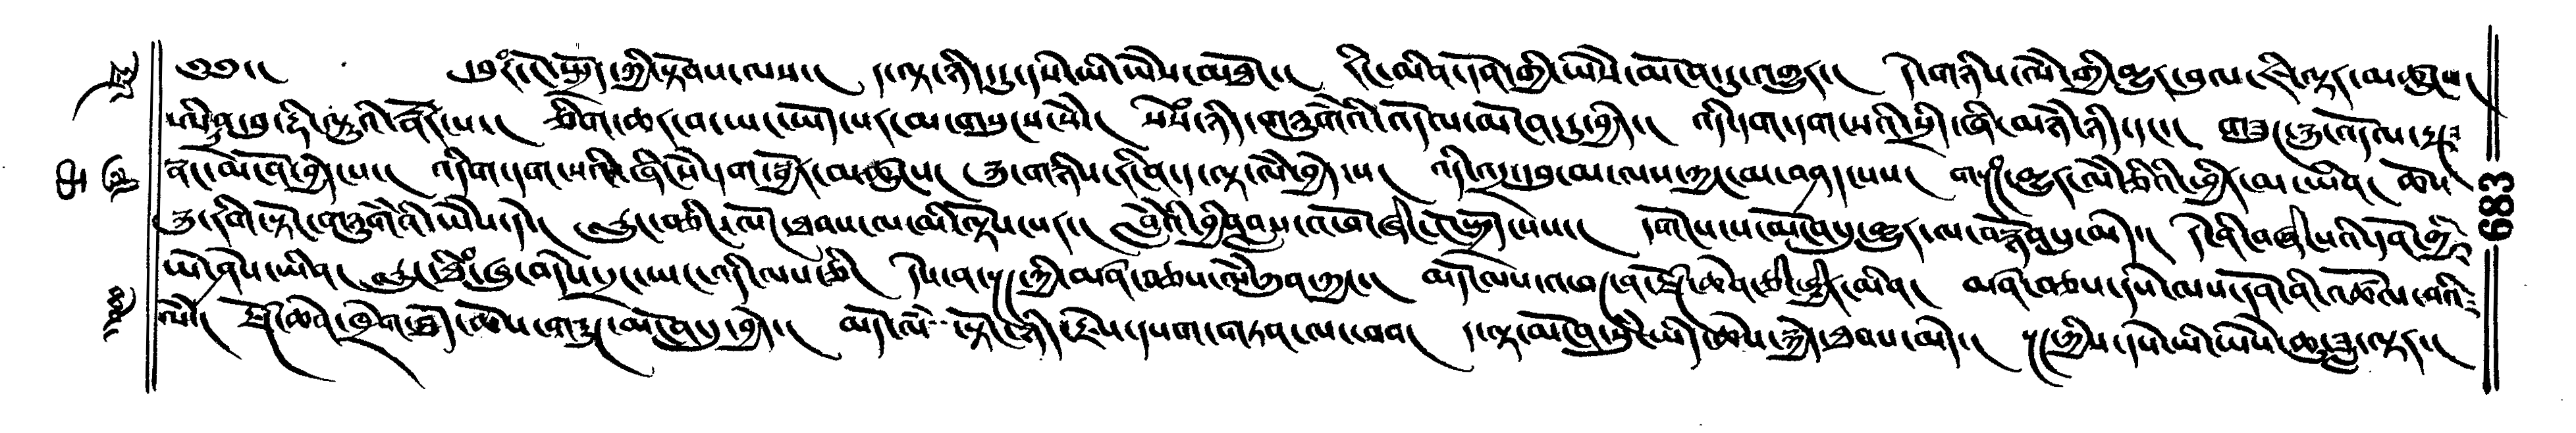དབང་སྐུར་ངོ་སྤྲོད་ཀྱིས་སྟོབས་ལས། །ད་ལྟ་ཉིད་དུ་དཔེ་ཡི་ཡེ་ཤེས་མཐོང་། །རིང་མིན་དོན་གྱི་ཡེ་ཤེས་མངོན་དུ་འགྱུར། །དེ་གཉིས་ལམ་གྱི་མྱུར་བུལ་ཇི་ལྟར་མཚུངས། །
ཨིནྟྲ་བྷོ་དྷི་ལྟ་བུའི་རྣལ་འབྱོར་པ། །ཅིག་ཆར་བ་ཡང་ཡོད་པར་མ་གསུངས་སམ། །སེམས་ཉིད་གཉུག་མའི་འོད་གསལ་མངོན་དུ་བྱེད། །འདི་དག་དག་པའི་སྲིད་ཞི་མཉམ་ཉིད་དང་། །གཟུགས་སྐུ་འོད་གསལ་རྟགས་
སྣང་མངོན་བྱེད་པ། །འདི་དག་དག་པའི་ཞིང་ཁམས་དག་སྦྱོར་མཚུངས། །སྐུ་གཉིས་རང་བཞིན་ད་ལྟ་ལམ་བྱེད་པ། །འདི་འདྲ་དབུ་མ་ལས་ཀྱང་མ་བཤད་པས། །གསང་སྔགས་མྱུར་ལམ་ཅིའི་ཕྱིར་མ་ཡིན། །ཆོས་
སྐུ་རིག་སྟོང་གཉུག་མའི་ཡེ་ཤེས་དེ། །རླུང་བཅིང་ལ་སོགས་ཐབས་ལ་མི་ལྟོས་པར། །བླ་མའི་བྱིན་རླབས་འཕོ་ཞིང་ངོ་སྤྲོད་པས། །དགོངས་པ་མངོན་དུ་གྱུར་ལ་བསྙོན་དུ་མེད། །དེ་ནི་བཞི་པའི་དོན་གྱི་
ཡེ་ཤེས་ཡིན། །རླུང་ཐིམ་ཞུ་བདེས་དྲངས་ཡང་འདི་ལས་ཅི། །དེས་ན་སྔགས་ཀྱི་མཚན་བཅས་ལམ་ཀུན་ཀྱང་། །མོད་ལས་འཕགས་ན་རྫོགས་ཆེན་ཅི་ཕྱིར་མིན། །མཚན་བཅས་དཔེ་ལས་དོན་ནི་འཚོལ་བའི་
ལམ། །རྫོགས་ཆེན་ཁྲེགས་ཐོད་ཆོས་གཟུགས་མངོན་དུ་བྱེད། །མདོ་ལམ་སྟོང་ཉིད་རྗེས་དཔག་གཏན་ལ་ཕབ། །ད་ལྟ་མངོན་སུམ་ཡིད་ཆེས་བསྐྱེད་ཐབས་མེད། །སྔགས་ཀྱི་དཔེ་ཡི་ཡེ་ཤེས་ཆུ་ཟླ་ལྟར། །